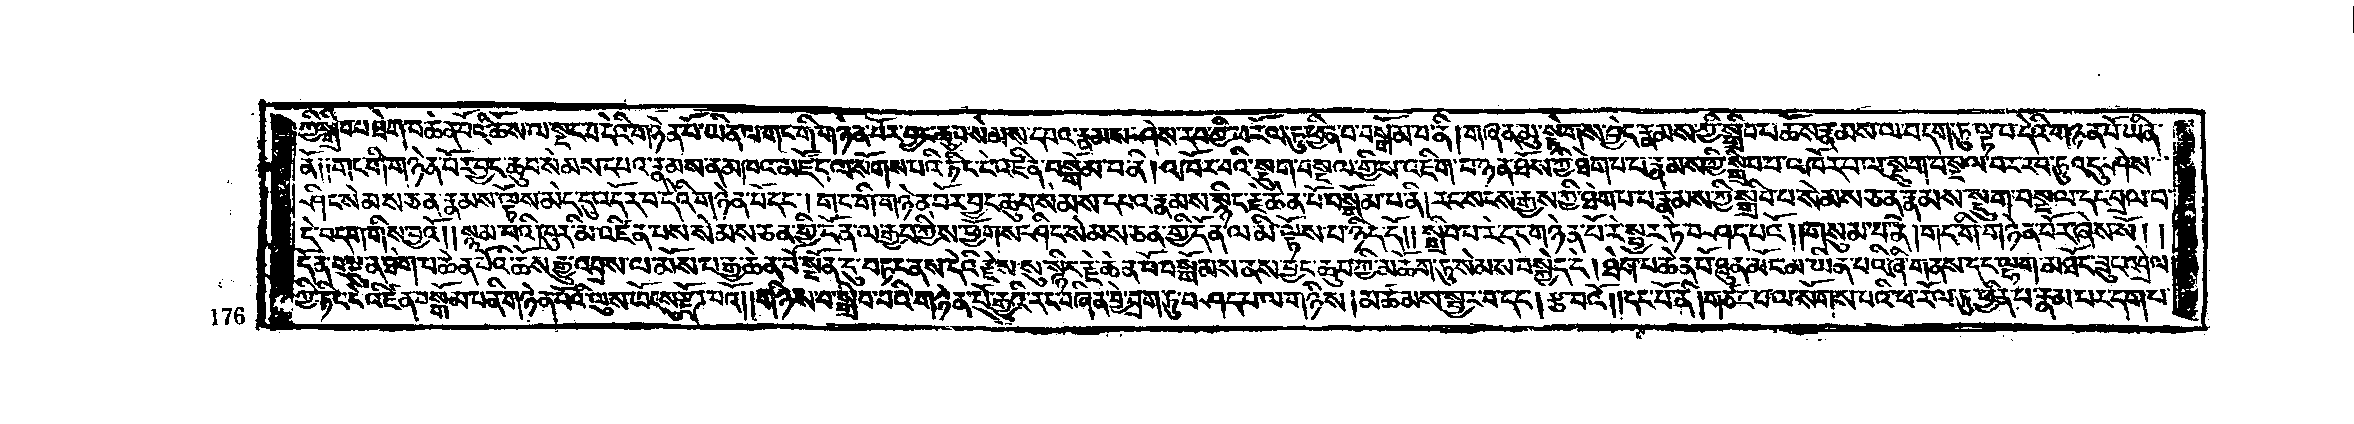ཀྱི་སྒྲིབ་པ་ཐེག་པ་ཆེན་པོའི་ཆོས་ལ་སྡང་བ་དེའི་གཉེན་པོ་ཡིན་ལ་གང་གི་གཉེན་པོར་བྱང་ཆུབ་སེམས་དཔའ་རྣམས་ཤེས་རབ་ཀྱི་ཕ་རོལ་ཏུ་ཕྱིན་པ་བསྒོམ་པ་ནི། གཞན་མུ་སྟེགས་བྱེད་རྣམས་ཀྱི་སྒྲིབ་པ་ཆོས་རྣམས་ལ་བདག་ཏུ་ལྟ་བ་དེའི་གཉན་པོ་ཡིན་
ནོ༑ ༑གང་གི་གཉེན་པོར་བྱང་ཆུབ་སེམས་དཔའ་རྣམས་ནམ་མཁའ་མཛོད་ལ་སོགས་པའི་ཏིང་ངེ་འཛིན་བསྒོམ་པ་ནི། འཁོར་བའི་སྡུག་བསྔལ་གྱིས་འཇིག་པ་ཉན་ཐོས་ཀྱི་ཐེག་པ་བ་རྣམས་ཀྱི་སྒྲིབ་པ་འཁོར་བ་ལ་སྡུག་བསྔལ་བར་རབ་ཏུ་འདུ་ཤེས་
ཤིང་སེམས་ཅན་རྣམས་ལྟོས་མེད་དུ་འདོར་བ་དེའི་གཉེན་པོ་དང་། གང་གི་གཉེན་པོར་བྱང་ཆུབ་སེམས་དཔའ་རྣམས་སྙིང་རྗེ་ཆེན་པོ་བསྒོམ་པ་ནི། རང་སངས་རྒྱས་ཀྱི་ཐེག་པ་བ་རྣམས་ཀྱི་སྒྲིབ་པ་སེམས་ཅན་རྣམས་སྡུག་བསྔལ་དང་བྲལ་བ་
དེ་བདག་གིས་བྱའོ། །སྙམ་པའི་ཁུར་མི་འཛིན་པས་སེམས་ཅན་གྱི་དོན་ལ་རྒྱབ་ཀྱིས་ཕྱོགས་ཤིང་སེམས་ཅན་གྱི་དོན་ལ་མི་ལྟོས་པ་ཉིད་དོ། །སྒྲིབ་པ་རེ་དང་གཉེན་པོ་རེ་སྦྱར་ཏེ་བཤད་པའོ། །གསུམ་པ་ནི། གང་གི་གཉེན་པོར་ཞེས་སོ། །
དོན་བསྡུ་ན་ཐེག་པ་ཆེན་པོའི་ཆོས་རྒྱུ་འབྲས་ལ་མོས་པ་རྒྱ་ཆེན་པོ་སྔོན་དུ་བཏང་ནས་དེའི་རྗེས་སུ་སྙིང་རྗེ་ཆེན་པོ་བསྒོམས་ནས་བྱང་ཆུབ་ཀྱི་མཆོག་ཏུ་སེམས་བསྐྱེད་དེ། ཐེག་པ་ཆེན་པོ་ཐུན་མོང་མ་ཡིན་པའི་ཞི་གནས་དང་ལྷག་མཐོང་ཟུང་འབྲེལ་
ཀྱི་ཏིང་ངེ་འཛིན་བསྒོམ་པ་ནི་གཉེན་པོའི་ལུས་ཡོངས་སུ་རྫོགས་པའོ། །གཉིས་པ་སྒྲིབ་པའི་གཉེན་པོ་རྒྱུའི་རང་བཞིན་བྱེ་བྲག་ཏུ་བཤད་པ་ལ་གཉིས། མཚམས་སྦྱར་བ་དང་། རྩ་བའོ། །དང་པོ་ནི། གཙང་བ་ལ་སོགས་པའི་ཕ་རོལ་ཏུ་ཕྱིན་པ་རྣམ་པར་དག་པ་